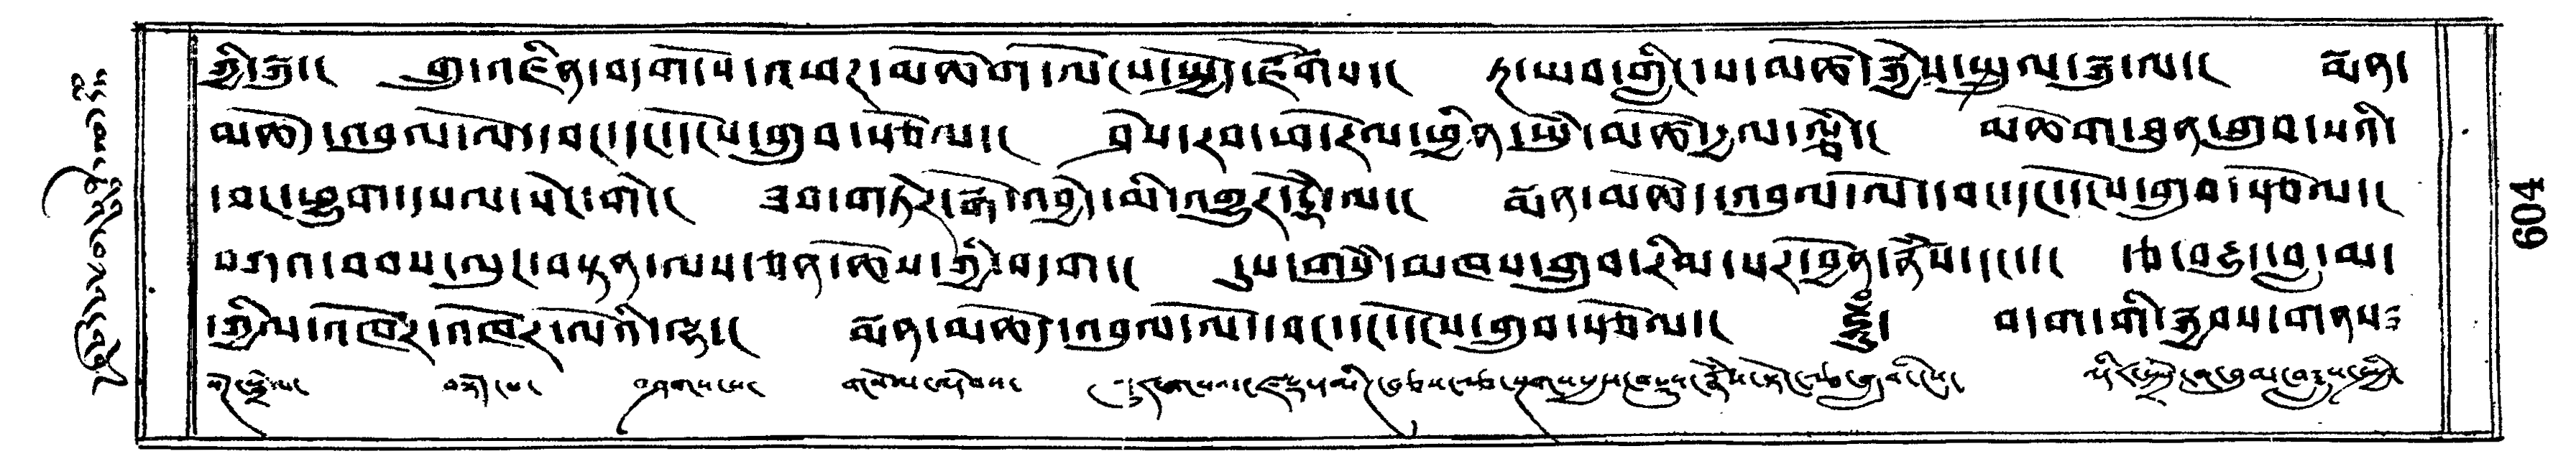ཀྱི་སྐུ། །གྲུ་འཛིན་བདག་པོ་འཕགས་མཆོག་ལོངས་སྤྱོད་རྫོགས། །རྔ་ཡབ་གླིང་པ་མཚོ་སྐྱེས་སྤྲུལ་སྐུ་ལ། །སྨན་
མཆོད་འབུལ་ལོ་དབང་དང་དངོས་གྲུབ་སྩོལ། །ཤེས་རབ་ཕ་རོལ་ཕྱིན་ཡུམ་མཚོ་རྒྱལ་ལྕམ། །མཆོག་ཐུན་གྲུབ་པའི་
དབང་ཕྱུག་དཔལ་སེང་གེ །ཟབ་གཏེར་སྒོ་འབྱེད་མི་འགྱུར་རྡོ་རྗེ་ལ། །སྨན་མཆོད་འབུལ་ལོ་དབང་དང་དངོས་གྲུབ་སྩོལ། །
བཀའ་བབས་ལུང་བསྟན་ལས་ཅན་ཆོས་ཀྱི་བདག །དུས་གསུམ་མཁས་གྲུབ་རིམ་པར་བྱོན་རྣམས་དང་། །རྩ་བརྒྱུད་བླ་མ་
དཀྱིལ་འཁོར་འཁོར་ལོའི་ལྷ། །སྨན་མཆོད་འབུལ་ལོ་དབང་དང་དངོས་གྲུབ་སྩོལ། ཧཱུྃ༔ བདག་གི་སྐྱབས་གནས༴ 
སོགས་སྦྲེལ། བསྟོད་པ། བཤགས་པ། གསོལ་འདེབས། ཟུར་གསལ་ཛཔྲ་དམིགས་བཅས་རྩ་སྔགས་རྒྱས་བསྡུས་རྣམས་སྟོང་རྩ་གྲུབ་ངེས། འདིར་སྤྲོ་ན་བུམ་བཟླས་སྤྱི་